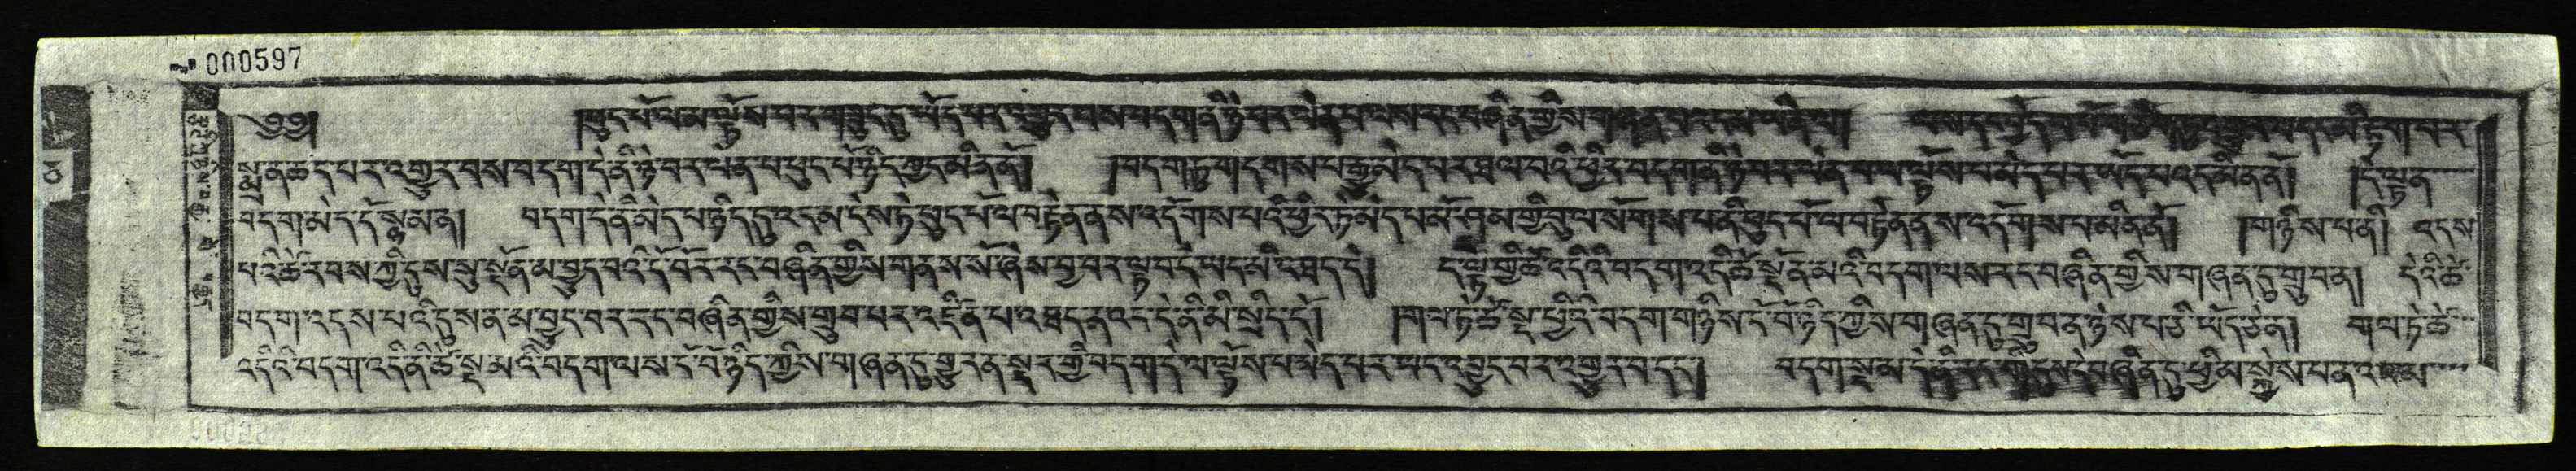༄༅། །ཕུང་པོ་ལ་མ་ལྟོས་པར་གཟུང་དུ་ཡོད་པར་འགྱུར་བས་བདག་ནི་ཉེ་བར་ལེན་པ་ལས་རང་བཞིན་གྱིས་གཞན་བར་དམ་ཡིན་ལ། ལས་དང་བྱེད་པ་པོ་གཅིག་ཏུ་འགྱུར་བ་དང་མི་རྟག་པར་
སྨྲ་ན་ཆད་པར་འགྱུར་བས་བདག་དེ་ནི་ཉེ་བར་ལེན་པ་ཕུང་པོ་ཉིད་ཀྱང་མིན་ནོ། །བདག་ཏུ་གདགས་པ་རྒྱུ་མེད་པར་ཐལ་བའི་ཕྱིར་བདག་ནི་ཉེ་བར་ལེན་པ་ལ་ལྟོས་པ་མེད་པར་ཡོད་པའང་མིན་ནོ། །དེ་ལྟ་ན་
བདག་མེད་དོ་སྙམ་ན། བདག་དེ་ནི་མེད་པ་ཉིད་དུ་འང་མ་ངེས་ཏེ་ཕུང་པོ་ལ་བརྟེན་ནས་འདོགས་པའི་ཕྱིར་ཏེ་མེད་པ་མོ་ཤམ་གྱི་བུ་ལ་སོགས་པ་ནི་ཕུང་པོ་ལ་བརྟེན་ནས་འདོགས་པ་མིན་ནོ། །གཉིས་པ་ནི། འདས་
པའི་ཚེ་རབས་ཀྱི་དུས་སུ་སྔོན་མ་བྱུང་བའི་ངོ་བོར་རང་བཞིན་གྱིས་གནས་སོ་ཞེས་བྱ་བར་ལྟ་བ་དེ་ཡང་མི་འཐད་དེ། ད་ལྟ་གྱི་ཚེ་འདིའི་བདག་འདི་ཚེ་སྔོན་མའི་བདག་པས་རང་བཞིན་གྱིས་གཞན་དུ་གྲུབ་ན། དེའི་ཚེ་
བདག་འདས་པའི་དུས་ན་མ་བྱུང་བར་རང་བཞིན་གྱིས་གྲུབ་པར་འཛིན་པ་འཐད་ནའང་དེ་ནི་མི་སྲིད་དོ། །གལ་ཏེ་ཚེ་སྔ་ཕྱིའི་བདག་གཉིས་ངོ་བོ་ཉིད་ཀྱིས་གཞན་དུ་གྲུབ་ན་ཉེས་པ་ཅི་ཡོད་ཅེ་ན། གལ་ཏེ་ཚེ་
འདིའི་བདག་འདི་ནི་ཚེ་སྔ་མའི་བདག་ལས་ངོ་བོ་ཉིད་ཀྱིས་གཞན་དུ་གྱུར་ན་སྔར་གྱི་བདག་དེ་ལ་ལྟོས་པ་མེད་པར་ཡང་འབྱུང་བར་འགྱུར་བ་དང་། བདག་སྔ་མ་དེ་ནི་རང་གི་དུས་དེ་བཞིན་དུ་ཕྱི་མ་སྐྱེས་པ་ནའང་མ་